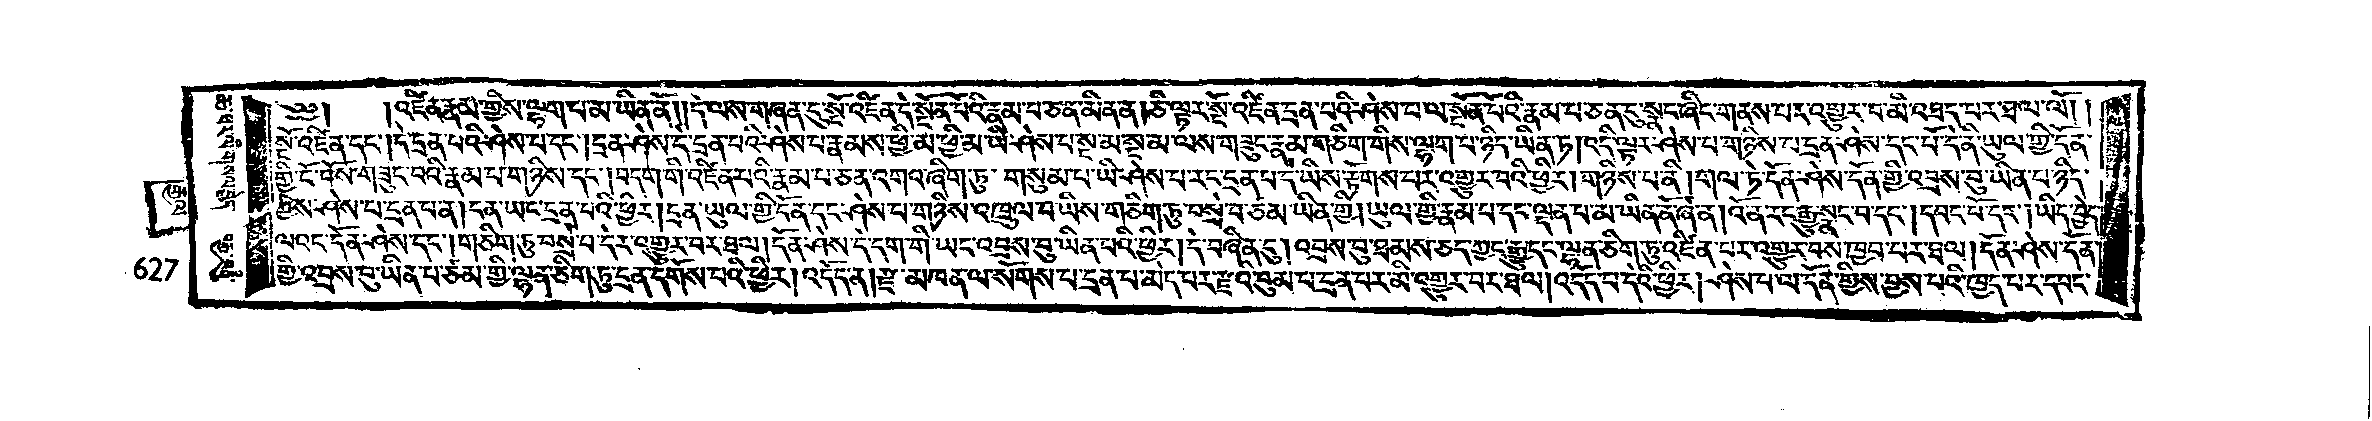༄༅། །འཛིན་རྣམ་གྱིས་ལྷག་པ་མ་ཡིན་ནོ། །དེ་ལས་གཞན་དུ་སྔོ་འཛིན་དེ་སྔོན་པོའི་རྣམ་པ་ཅན་མིན་ན། ཅི་ལྟར་སྔོ་འཛིན་དྲན་པའི་ཤེས་པ་ལ་སྔོན་པོའི་རྣམ་པ་ཅན་དུ་སྣང་ཞིང་གནས་པར་འགྱུར་བ་མི་འཐད་པར་ཐལ་ལོ། །
སྔོ་འཛིན་དང་། དེ་དྲན་པའི་ཤེས་པ་དང་། དྲན་ཤེས་དེ་དྲན་པའི་ཤེས་པ་རྣམས་ཕྱི་མ་ཕྱི་མ་ཡི་ཤེས་པ་སྔ་མ་སྔ་མ་ལས་གཟུང་རྣམ་གཅིག་གིས་ལྷག་པ་ཉིད་ཡིན་ཏེ། འདི་ལྟར་ཤེས་པ་གཉིས་པ་དྲན་ཤེས་དང་པོ་དེ་ནི་ཡུལ་གྱི་དོན་
གྱི་ངོ་བོས་གཟུང་བའི་རྣམ་པ་གཉིས་དང་། བདག་གི་འཛིན་པའི་རྣམ་པ་ཅན་འགའ་ཞིག་ཏུ་གསུམ་པ་ཡི་ཤེས་པ་རང་དྲན་པ་དེ་ཡིས་རྟོགས་པར་འགྱུར་བའི་ཕྱིར། གཉིས་པ་ནི། གལ་ཏེ་དོན་ཤེས་དོན་གྱི་འབྲས་བུ་ཡིན་པ་ཉིད་
ཀྱིས་ཤེས་པ་དྲན་པ་ན། ངན་ཡང་དྲན་པའི་ཕྱིར། དྲན་ཡུལ་གྱི་དོན་དང་ཤེས་པ་གཉིས་འཁྲུལ་བ་ཡིས་གཅིག་ཏུ་བསྲེ་བ་ཙམ་ཡིན་གྱི། ཡུལ་གྱི་རྣམ་པ་དང་ལྡན་པ་མ་ཡིན་ནོ་ཞེ་ན། འོ་ན་རང་རྒྱུ་སྣང་བ་དང་། དབང་པོ་དང་། ཡིད་བྱེད་
ལའང་དོན་ཤེས་དང་། གཅིག་ཏུ་བསྲེ་བ་དེར་འགྱུར་བར་ཐལ། དོན་ཤེས་དེ་དག་གི་ཡང་འབྲས་བུ་ཡིན་པའི་ཕྱིར། དེ་བཞིན་དུ། འབྲས་བུ་ཐམས་ཅད་ཀྱང་རྒྱུ་དང་ལྷན་ཅིག་ཏུ་འཛིན་པར་འགྱུར་བས་ཁྱབ་པར་ཐལ། དོན་ཤེས་དོན་
གྱི་འབྲས་བུ་ཡིན་པ་ཙམ་གྱི་ལྷན་ཅིག་ཏུ་དྲན་དགོས་པའི་ཕྱིར། འདོད་ན། རྫ་མཁན་ལ་སོགས་པ་དྲན་པ་མེད་པར་རྫའི་བུམ་པ་དྲན་པར་མི་འགྱུར་བར་ཐལ། འདོད་པ་དེའི་ཕྱིར། ཤེས་པ་ལ་དོན་གྱིས་བྱས་པའི་ཁྱད་པར་དབང་